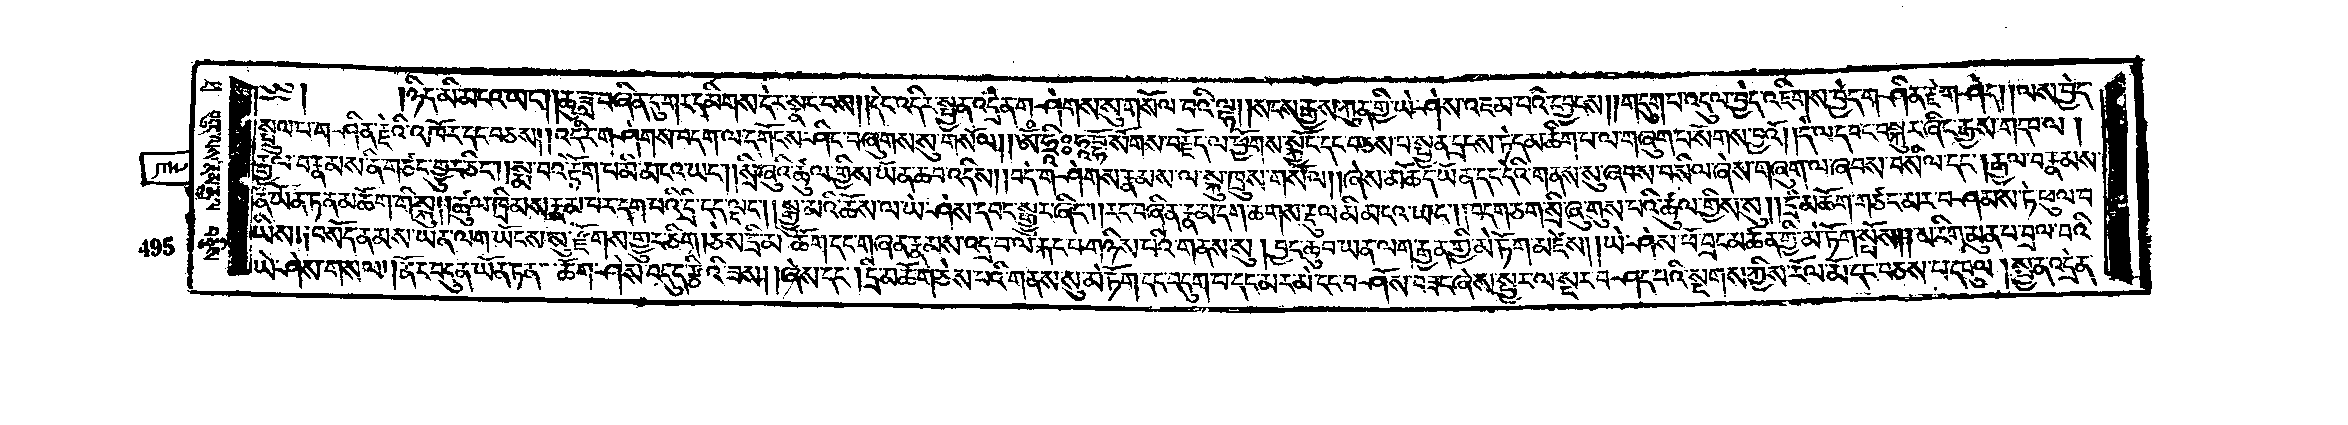༄༅། །ཉིད་མི་མངའ་ཡང་། །ཆུ་ཟླ་བཞིན་དུ་གར་དམིགས་དེར་སྣང་བས། །དེང་འདིར་སྤྱན་འདྲེན་གཤེགས་སུ་གསོལ་བའི་ལྷ། །སངས་རྒྱས་ཀུན་གྱི་ཡེ་ཤེས་འཇམ་པའི་དབྱངས། །གདུག་པ་འདུལ་བྱེད་འཇིགས་བྱེད་གཤིན་རྗེ་གཤེད། །ལས་བྱེད་
སྤྲུལ་པ་གཤིན་རྗེའི་འཁོར་དང་བཅས། །འདིར་གཤེགས་བདག་ལ་དགོངས་ཤིང་བཞུགས་སུ་གསོལ། །ཨོཾ་ཧྲཱིཿ ཧཱ་བྷོ་སོགས་བརྗོད་ལ་ཕྱོགས་སྐྱོང་དང་བཅས་པ་སྤྱན་དྲངས་ཏེ་དམ་ཚིག་པ་ལ་གཞུག་པ་སོགས་བྱའོ། །དེ་ལ་དབང་བསྐུར་ཞིང་རྒྱས་གདབ་ལ།
རྒྱལ་བ་རྣམས་ནི་གཙང་གྱུར་ཅིང་། །སྨ་བའི་རྟོག་པ་མི་མངའ་ཡང་། །སྲི་ཞུའི་ཚུལ་གྱིས་ཡོན་ཆབ་འདིས། །བདེ་གཤེགས་རྣམས་ལ་སྐུ་ཁྲུས་གསོལ། །ཞེས་མཆོད་ཡོན་དང་དེའི་གནས་སུ་ཞབས་བསིལ་ཞེས་གཞུག་ལ་ཞབས་བསིལ་དང་། རྒྱལ་བ་རྣམས་
ནི་ཡོན་ཏན་མཆོག་གི་སྐུ། །ཚུལ་ཁྲིམས་རྣམ་པར་དག་པའི་དྲི་དད་ལྡང་། །སྒྱུ་མའི་ཆོས་ལ་ཡེ་ཤེས་དབང་སྒྱུར་ཞིང་། །རང་བཞིན་རྣམ་དག་ཆགས་རྡུལ་མི་མངའ་ཡང་། །བདག་ཅག་སྲི་ཞུ་གུས་པའི་ཚུལ་གྱིས་སུ། །དྲི་མཆོག་གཙང་མར་བཤམས་ཏེ་ཕུལ་བ་
ཡིས། །བསོད་ནམས་ཡན་ལག་ཡོངས་སུ་རྫོགས་གྱུར་ཅིག །ཅེས་དྲི་མཆོག་དང་གཞན་རྣམས་འདྲ་བ་ལ་རྐང་པ་གཉིས་པའི་གནས་སུ། བྱང་ཆུབ་ཡན་ལག་རྒྱན་གྱི་མེ་ཏོག་མཛེས། །ཡེ་ཤེས་ཕོ་བྲང་མཚན་གྱི་མེ་ཏོག་སྤོས། །མ་རིག་མུན་པ་བྲལ་བའི་
ཡེ་ཤེས་གསལ། །ནོར་བདུན་ཡོན་ཏན་ཆོག་ཤེས་བདུད་རྩིའི་ཟས། །ཞེས་དང་། དྲི་མཆོག་ཅེས་པའི་གནས་སུ་མེ་ཏོག་དང་བདུག་པ་དང་མར་མེ་དང་བཤོས་བཟང་ཞེས་སྦྱར་ལ་སྔར་བཤད་པའི་སྔགས་ཀྱིས་རོལ་མོ་དང་བཅས་པ་དབུལ། སྤྱན་འདྲེན་